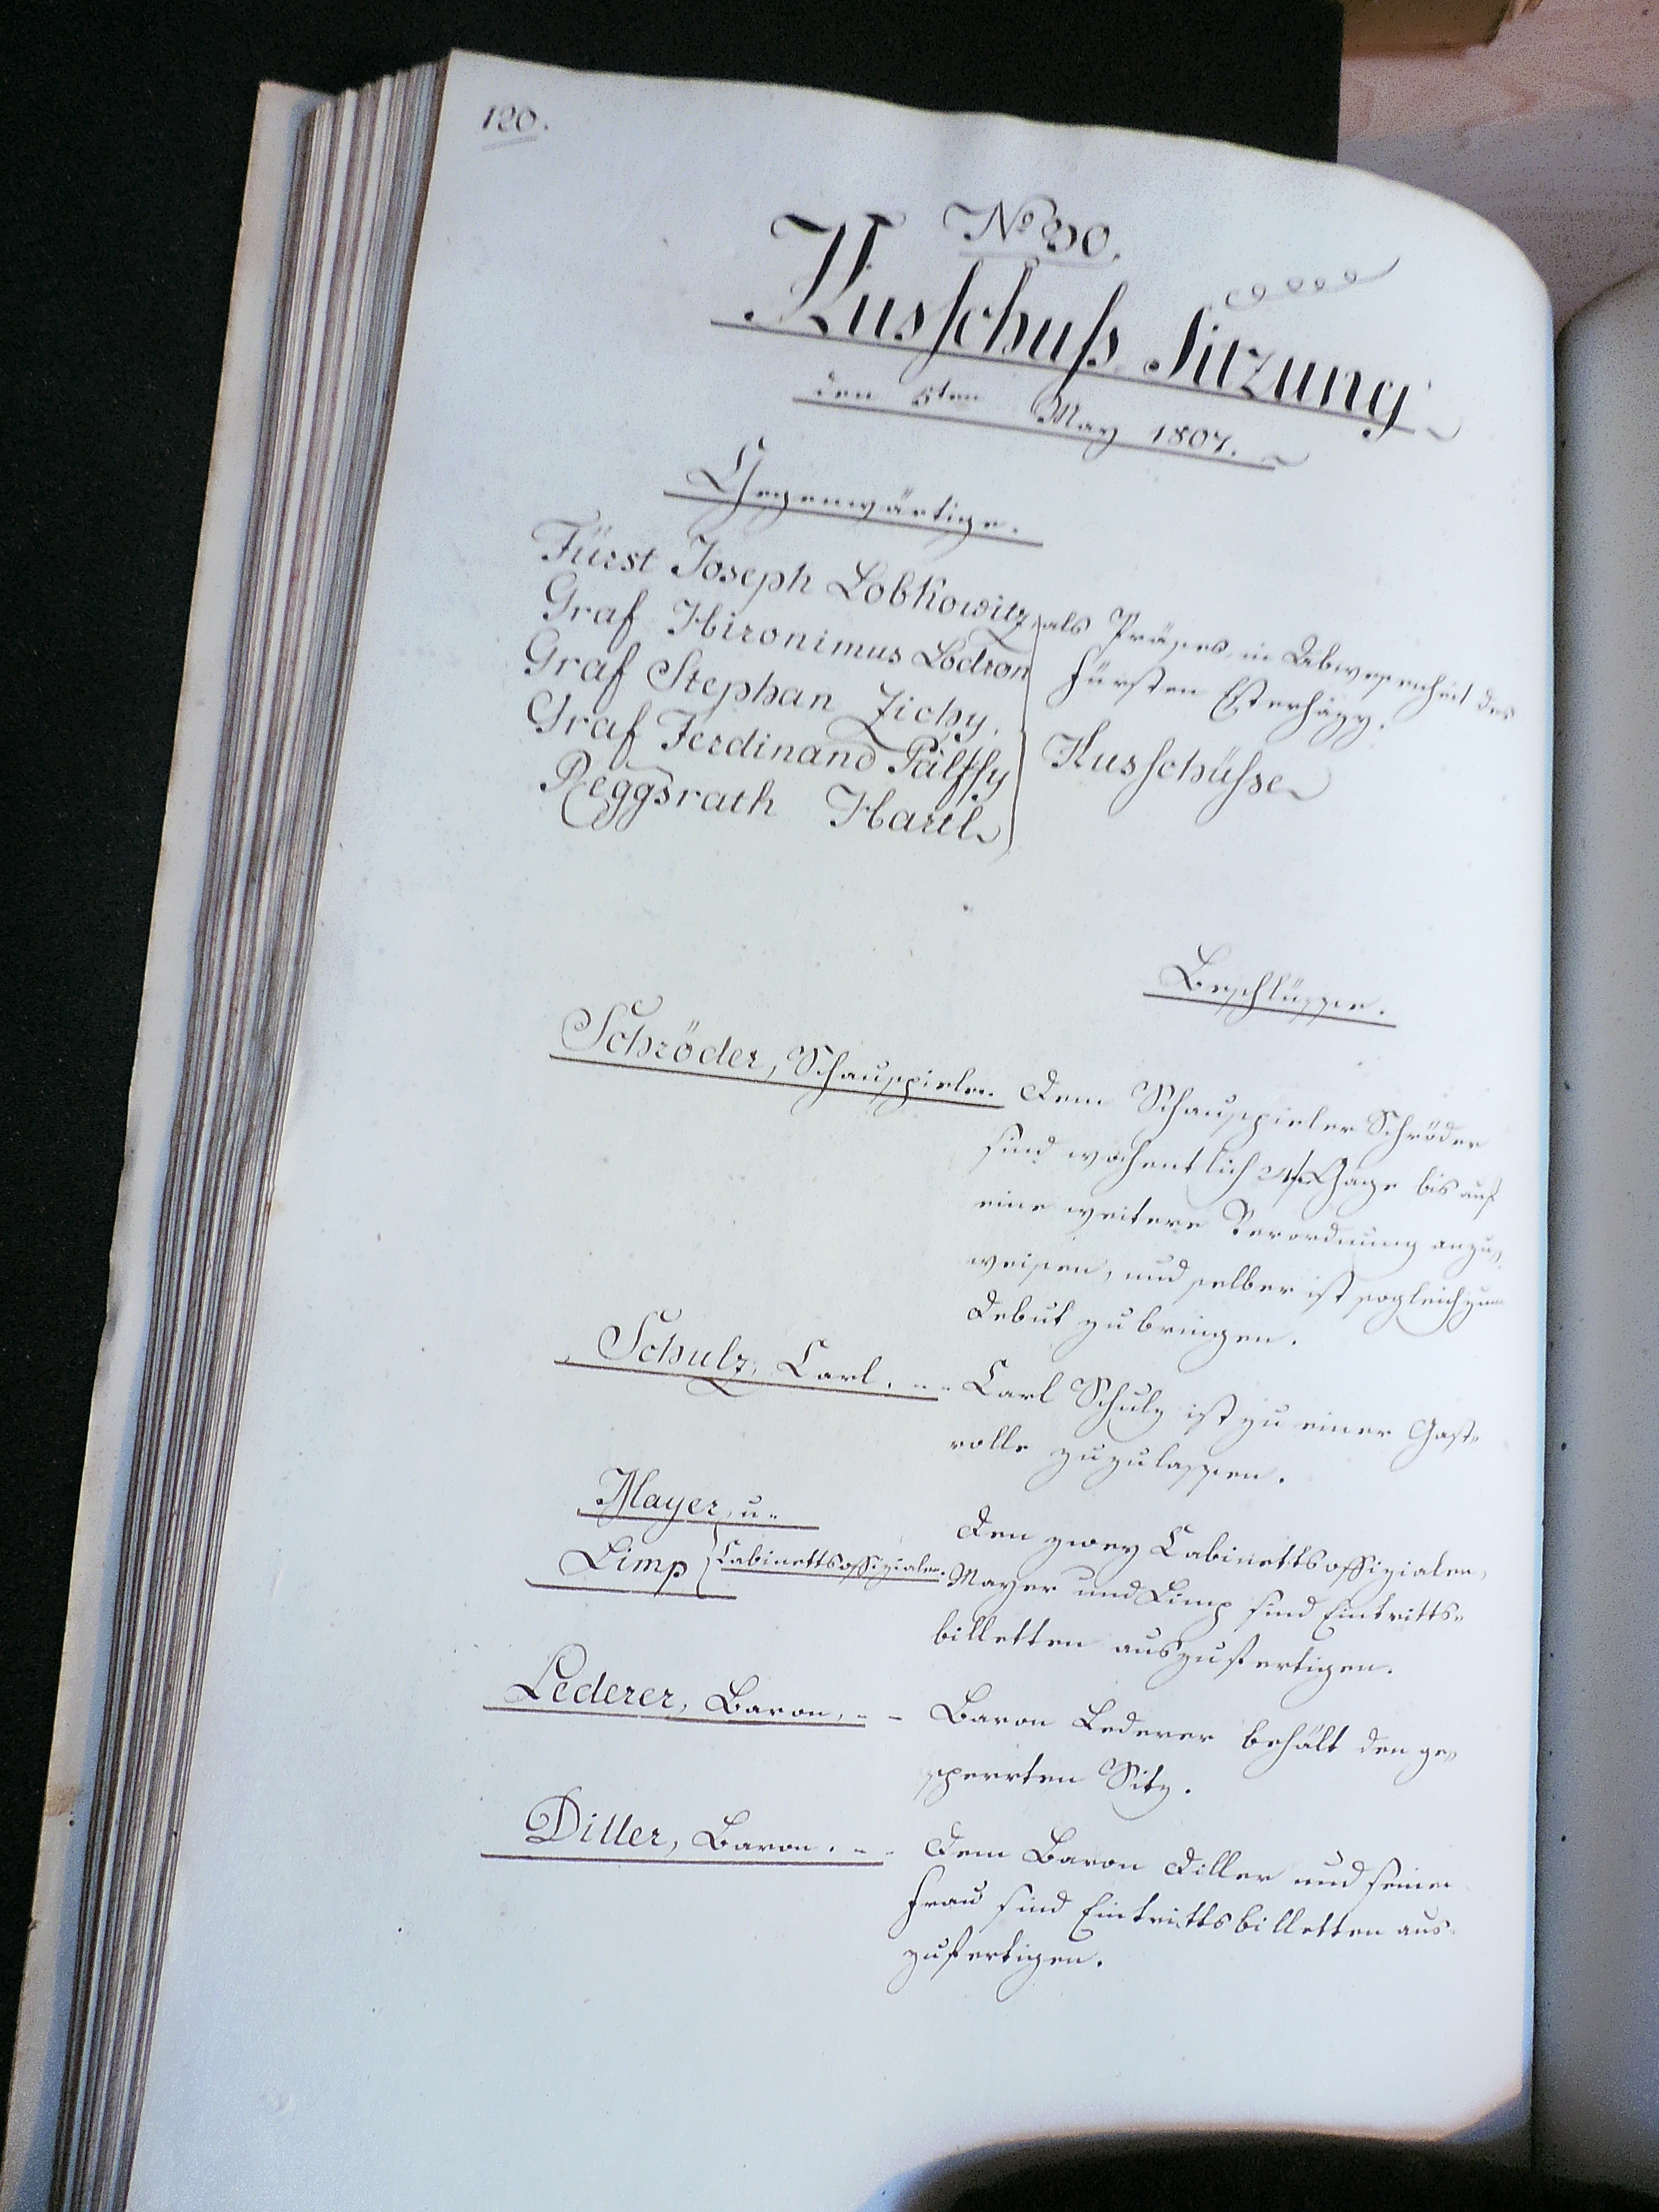120.
No͇ 30.
Ausschuss‗Sitzung
den 5te͇n May 1807.
Gegenwärtige
Fürst Joseph Lobkowitz als Präses in Abwesencheit des
Fürsten Esterhàzy.
Graf Hironimus Lodron
Graf Stephan Zichy.
Graf Ferdinand Pàlffy.
Reg͞gsrath Hartl
Ausschüsse.
Beschlüsse.
Schröder, Schauspieler. Dem Schauspieler Schröder
sind wöchentlich 24fr. Gage bis auf
eine weitere Verordnung anzu¬
weisen, und selber ist sogleich zum
Debut zubringen.
Schulz, Carl. .. .. Carl Schutlz ist zu einer Gast¬
rolle zuzulassen.
Mayer, u.
Limp
Cabinettsoffizialer.
Den zwey C abinettoffizialen
Mayer und Limp sind Eintritts¬
billetten auszufertigen.
Lederer, Baron. .. .. Baron Lederer behält den ge¬
sperrten Sitz.
Diller, Baron. .. .. Dem Baron Diller und seiner
Frau sind Eintrittsbilletten aus¬
zufertigen.